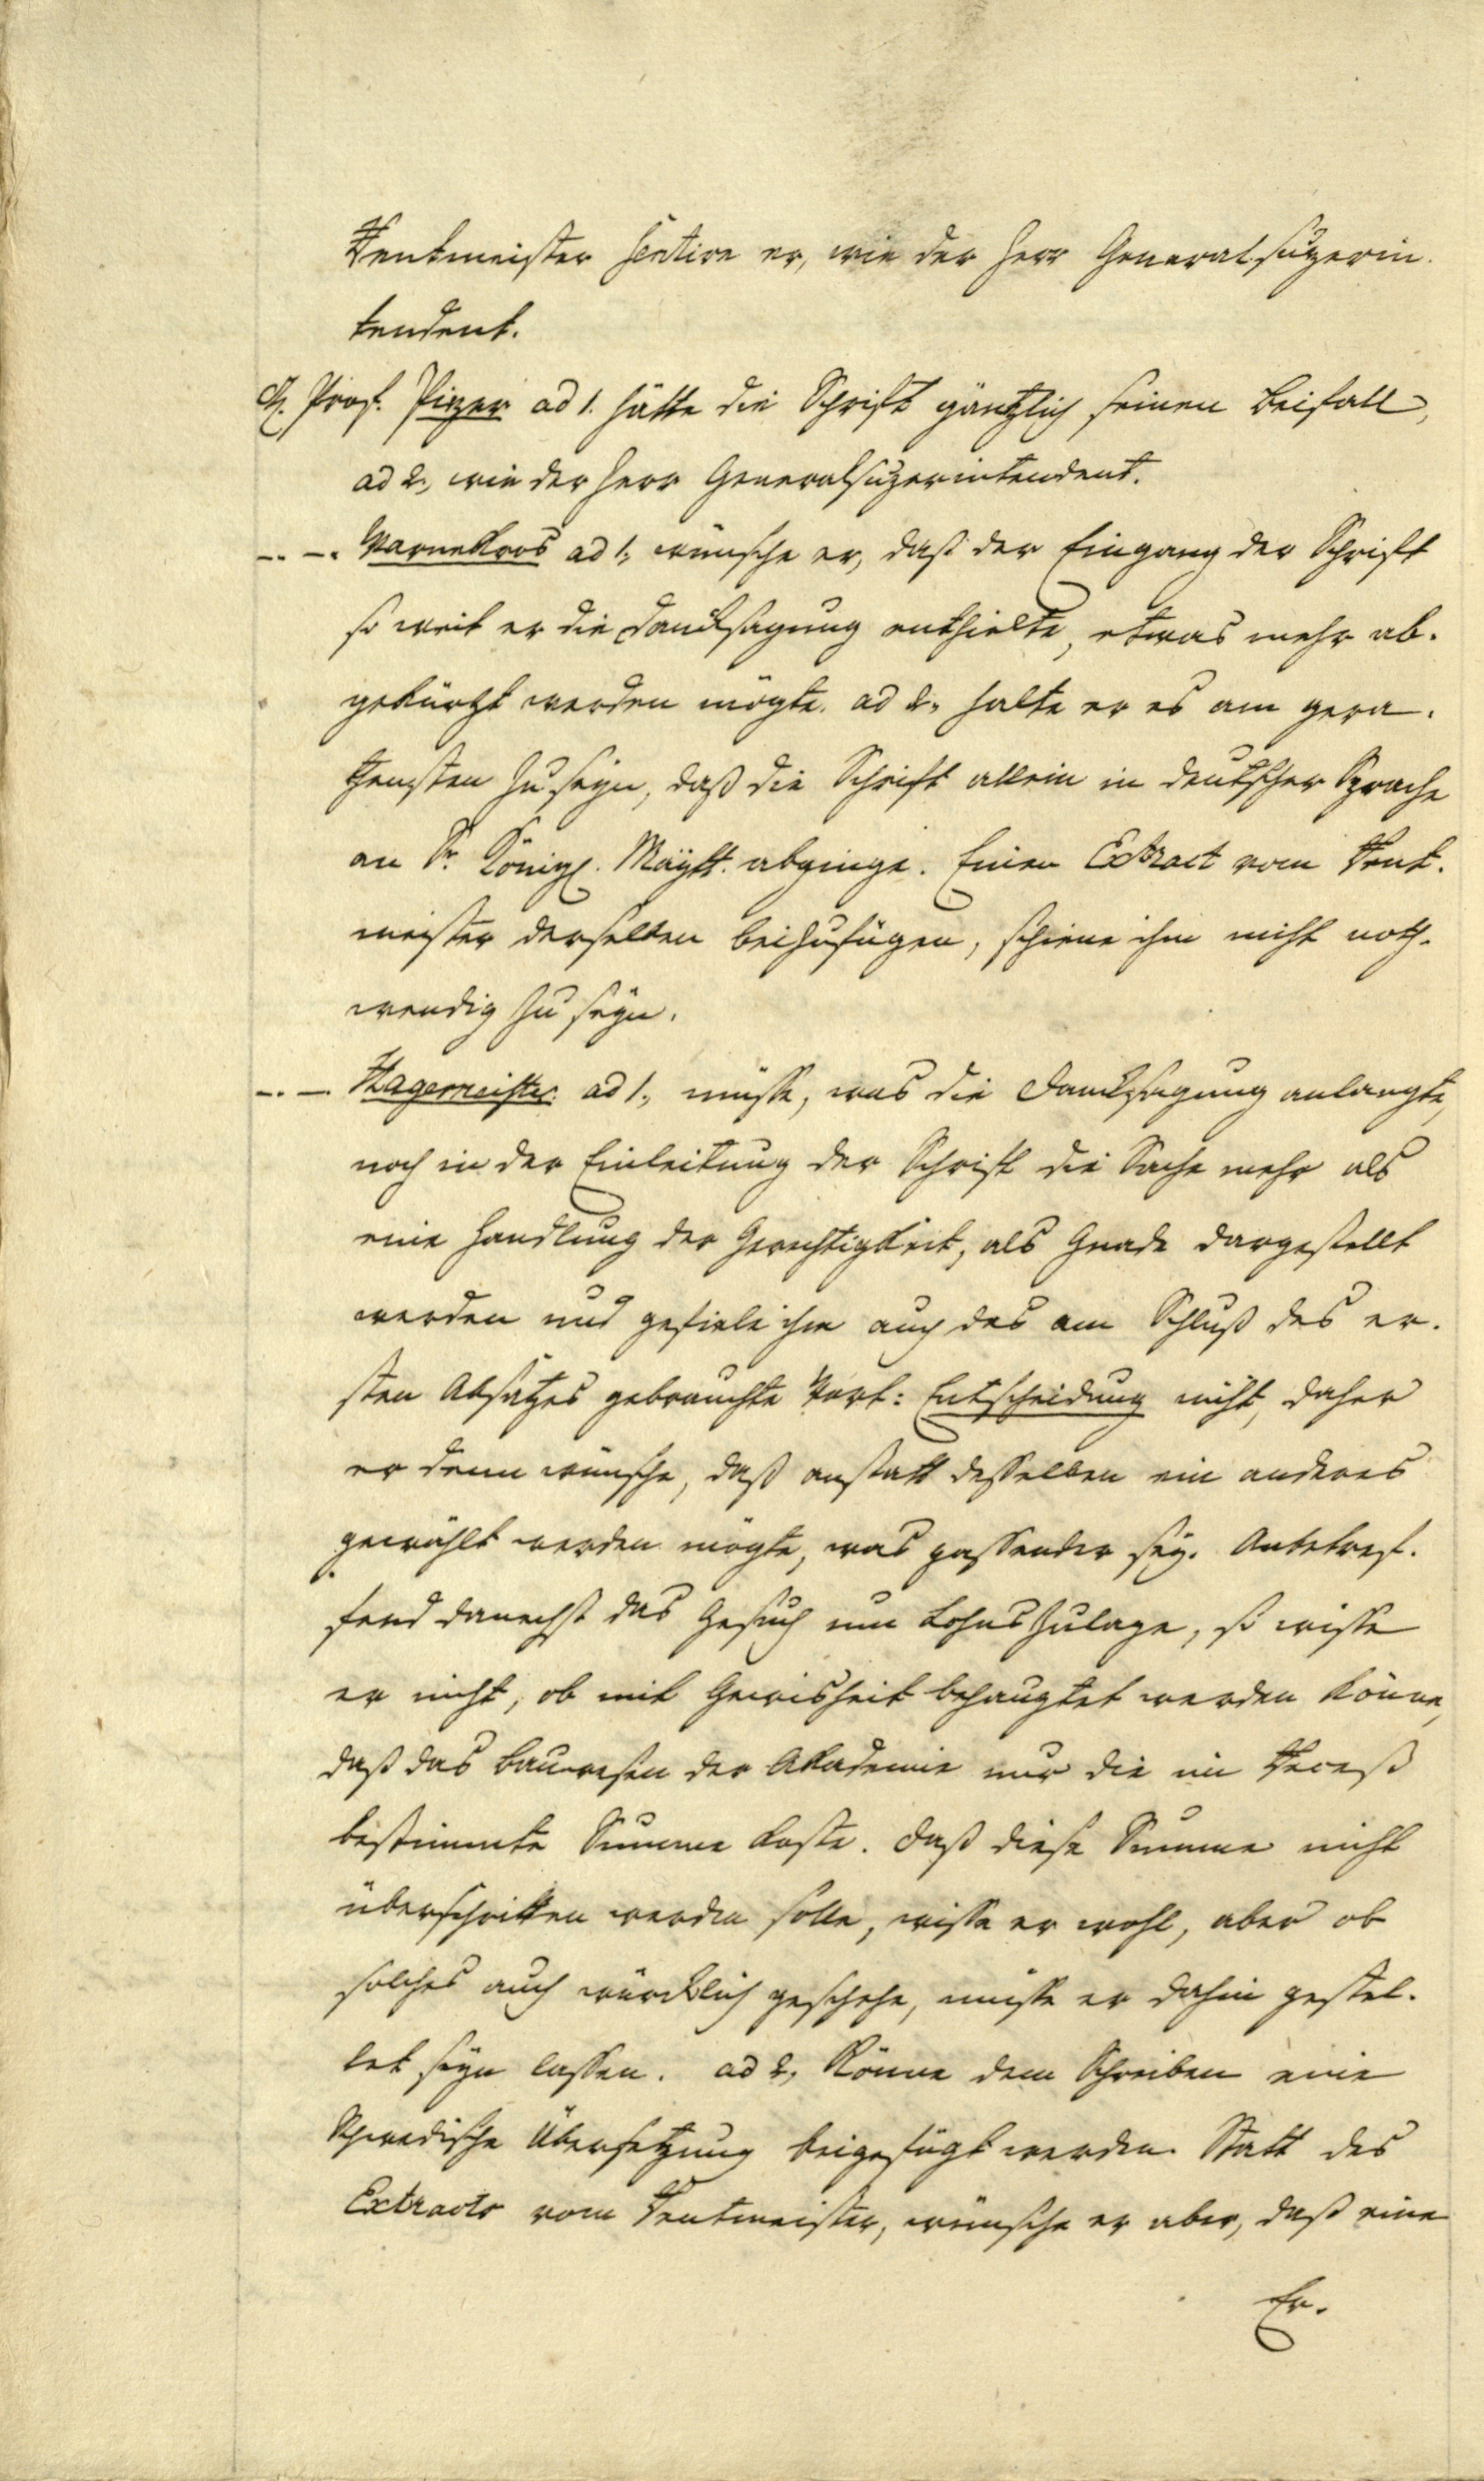Rentmeister sentire er, wie der Herr Generalsuperin¬
tendent.
dh. Prof. Piper ad 1. hätte die Schrift gäntzlich seinen Beifall
ad 2., wie der Herr Generalsuperintendent.
Warnekros ad 1. wünsche er, daß der Eingang der Schrift
so weit er die Dancksagung enthielte, etwas mehr ab¬
gekürzt werden mögte. ad 2., halte er es am gera¬
thensten zu seÿn, daß die Schrift allein in deutscher Sprache
an Sr. Königl. Maÿtt. abginge. Einen Extract vom Rent¬
meister derselben beizufügen, schiene ihm nicht noth¬
wendig zu seÿn.
Hagemeister. ad 1., müsse, was die Dancksagung anlangte,
noch in der Einleitung der Schrift die Sache mehr als
eine Handlung der Gerechtigkeit, als Gnade dargestellt
werden und gefiele ihm auch das am Schluß des er¬
sten Absatzes gebrauchte Wort: Entscheidung nicht, daher
er denn wünsche, daß anstatt desselben ein anderes
gewählt werden mögte, was passender seÿ. Anbetref¬
fand danechst das Gesuch um Lohns Zulage, so wisse
er nicht, ob mit Gewisheit behauptet werden könne,
daß das Bauwesen der Akademie nur die im Receß
bestimmte Summe koste. Daß diese Summe nicht
überschritten werden solle, wisse er wohl, aber ob
solches auch würcklich geschehe, müsse er dahin gestel¬
let seÿn lassen. ad 2. Könne dem Schreiben eine
Schwedische Übersetzung beigefügt werden. Statt des
Extracts vom Rentmeister, wünsche er aber, daß eine
Er